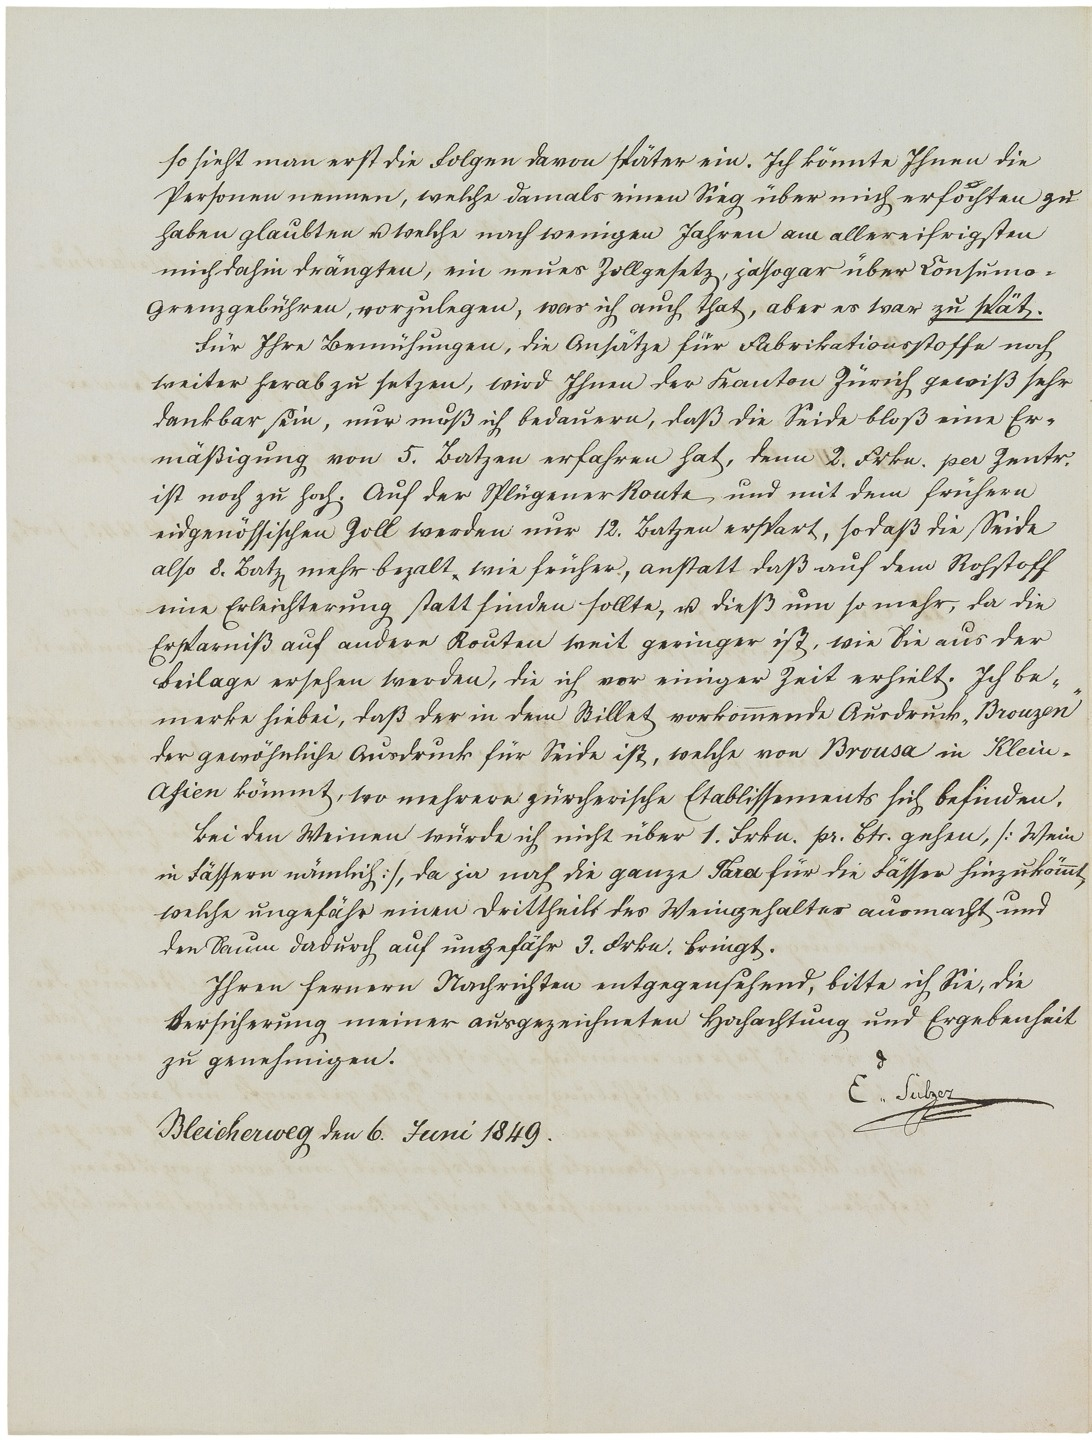so sieht man erst die Folgen davon später ein. Ich könnte Ihnen die
Personen nennen, welche damals einen Sieg über mich erfochten zu
haben glaubten & welche nach wenigen Jahren am allereifrigsten
mich dahin drängten, ein neues Zollgesetz, ja sogar über Consumo-
Grenzgebühren, vorzulegen, was ich auch that, aber es war zu spät.
Für Ihre Bemühungen, die Ansätze für Fabrikationsstoffe noch
weiter herab zu setzen, wird Ihnen der Kanton Zürich gewiß sehr
dankbar sein, nur muß ich bedauern, daß die Seide bloß eine Er-
mäßigung von 5. Batzen erfahren hat, denn 2. Frkn. per Zentr.
ist noch zu hoch. Auf der Splügener Route und mit dem frühern
eidgenössischen Zoll werden nur 12. Batzen erspart, so daß die Seide
also 8. Batzen mehr bezalt wie früher, anstatt daß auf dem Rohstoff
eine Erleichterung statt finden sollte, & dieß um so mehr, da die
Ersparniß auf andern Routen weit geringer ist, wie Sie aus der
Beilage ersehen werden, die ich vor einiger Zeit erhielt. Ich be-
merke hiebei, daß der in dem Billet vorkommende Ausdruck «Brouzen»
der gewöhnliche Ausdruck für Seide ist, welche von Brousa in Klein-
Asien kömmt, wo mehrere zürcherische Etablissements sich befinden.
Bei den Weinen würde ich nicht über 1. Frkn. pr. Ctr. gehen, (Wein
in Fässern nämlich), da ja noch die ganze Tara für die Fässer hinzukömmt,
welche ungefähr einen Drittheil des Weingehaltes ausmacht und
Ihren fernern Nachrichten entgegensehend, bitte ich Sie, die
Versicherung meiner ausgezeichneten Hochachtung und Ergebenheit
zu genehmigen.
Ed Sulzer
Bleicherweg den 6. Juni 1849.